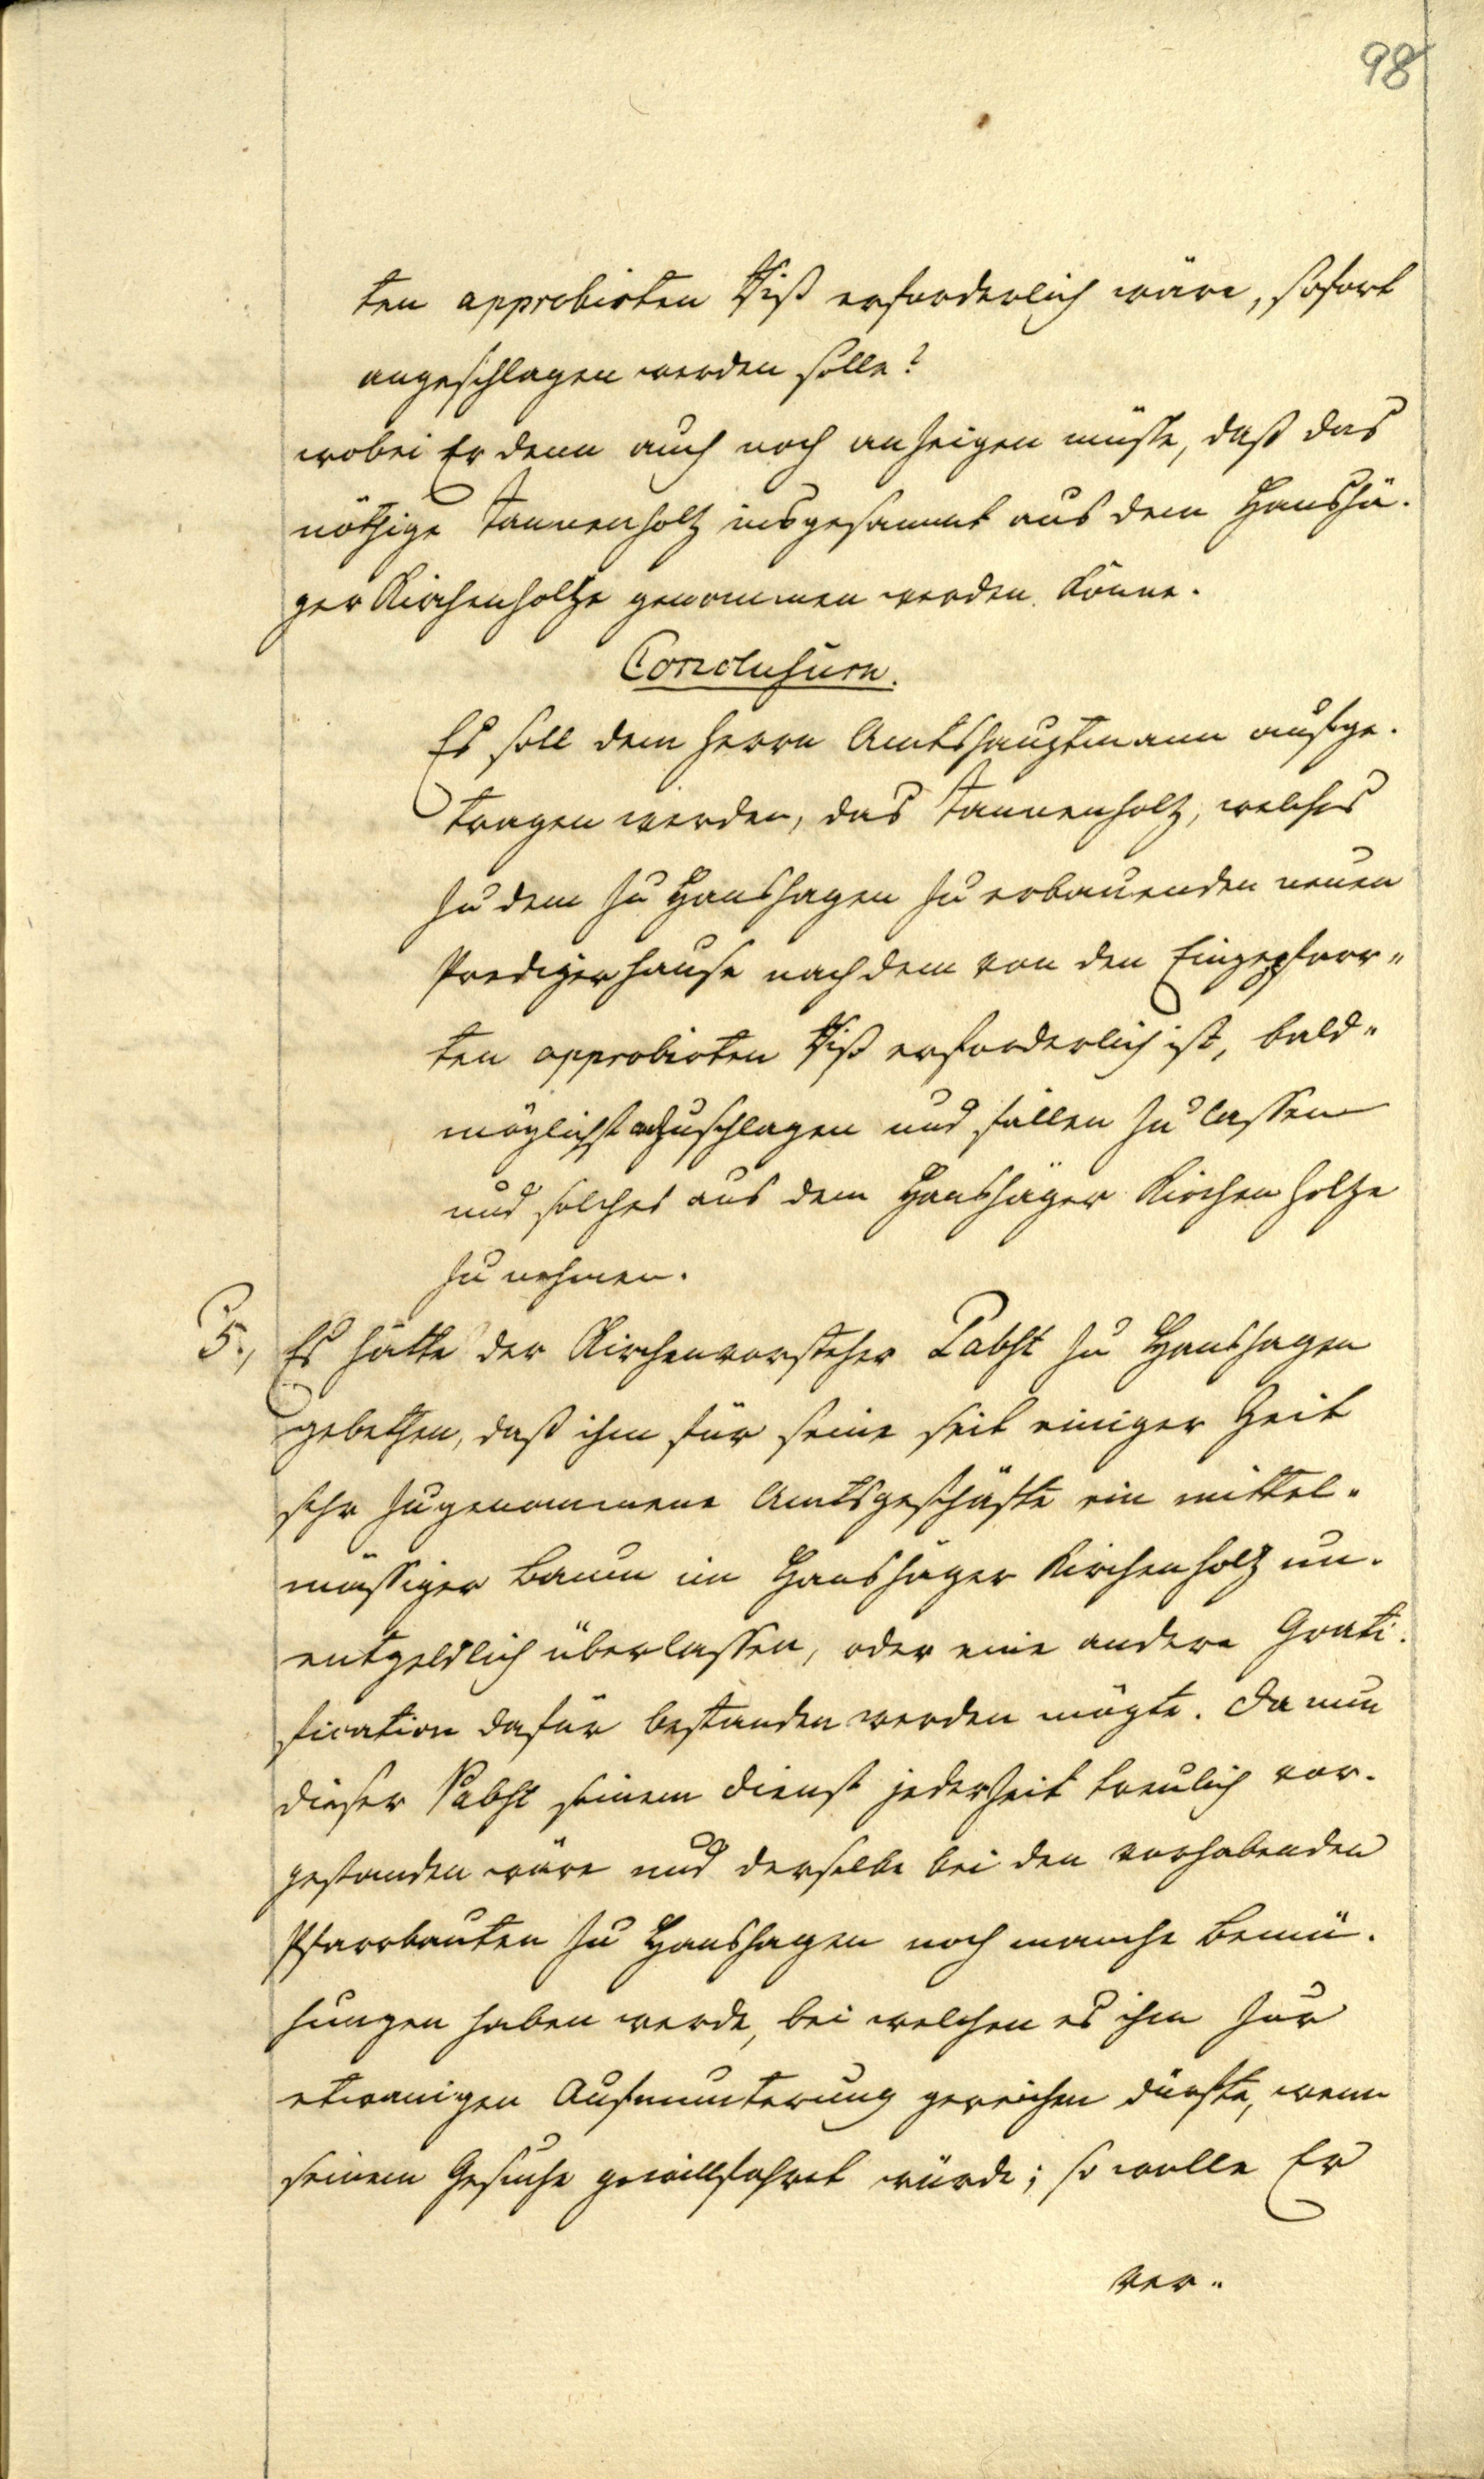ten approbirten Riß erforderlich wäre, sofort
angeschlagen werden solle?
wobei Er denn auch noch anzeigen müsse, daß das
nöthige Tannenholz insgesammt aus dem Hanshä¬
ger Kirchenholze genommen werden könne.
Conclusum
Es soll dem Herrn Amtshauptmann aufge¬
tragen werden, das Tannenholz, welches
zu dem zu Hanshagen zu erbauenden neuen
Predigerhause nach dem von den Eingepfarr¬
ten approbirten Riß erforderlich ist, bald¬
möglichst anzuschlagen und fällen zu lassen
und solches aus dem Hanshäger Kirchen Holze
zu nehmen.
5., Es hätte der Kirchenvorsteher Pabst zu Hanshagen
gebethen, daß ihm für seine seit einiger Zeit
sehr zugenommene Amtsgeschäfte ein mittel¬
mässiger Baum im Hanshäger Kirchenholz un¬
entgeldlich überlassen, oder eine andere Grati¬
fication dafür bestanden werden mögte. Da nun
dieser Pabst seinem Dienst jederzeit treulich vor¬
gestanden wäre und derselbe bei den vorhabenden
Pfarrbauten zu Hanshagen noch manche Bemü¬
hungen haben werde, bei welchen es ihm zur
etwanigen Aufmunterung gereichen dürfte, wenn
seinem Gesuche gewillfahret würde; so wolle Er
ver-